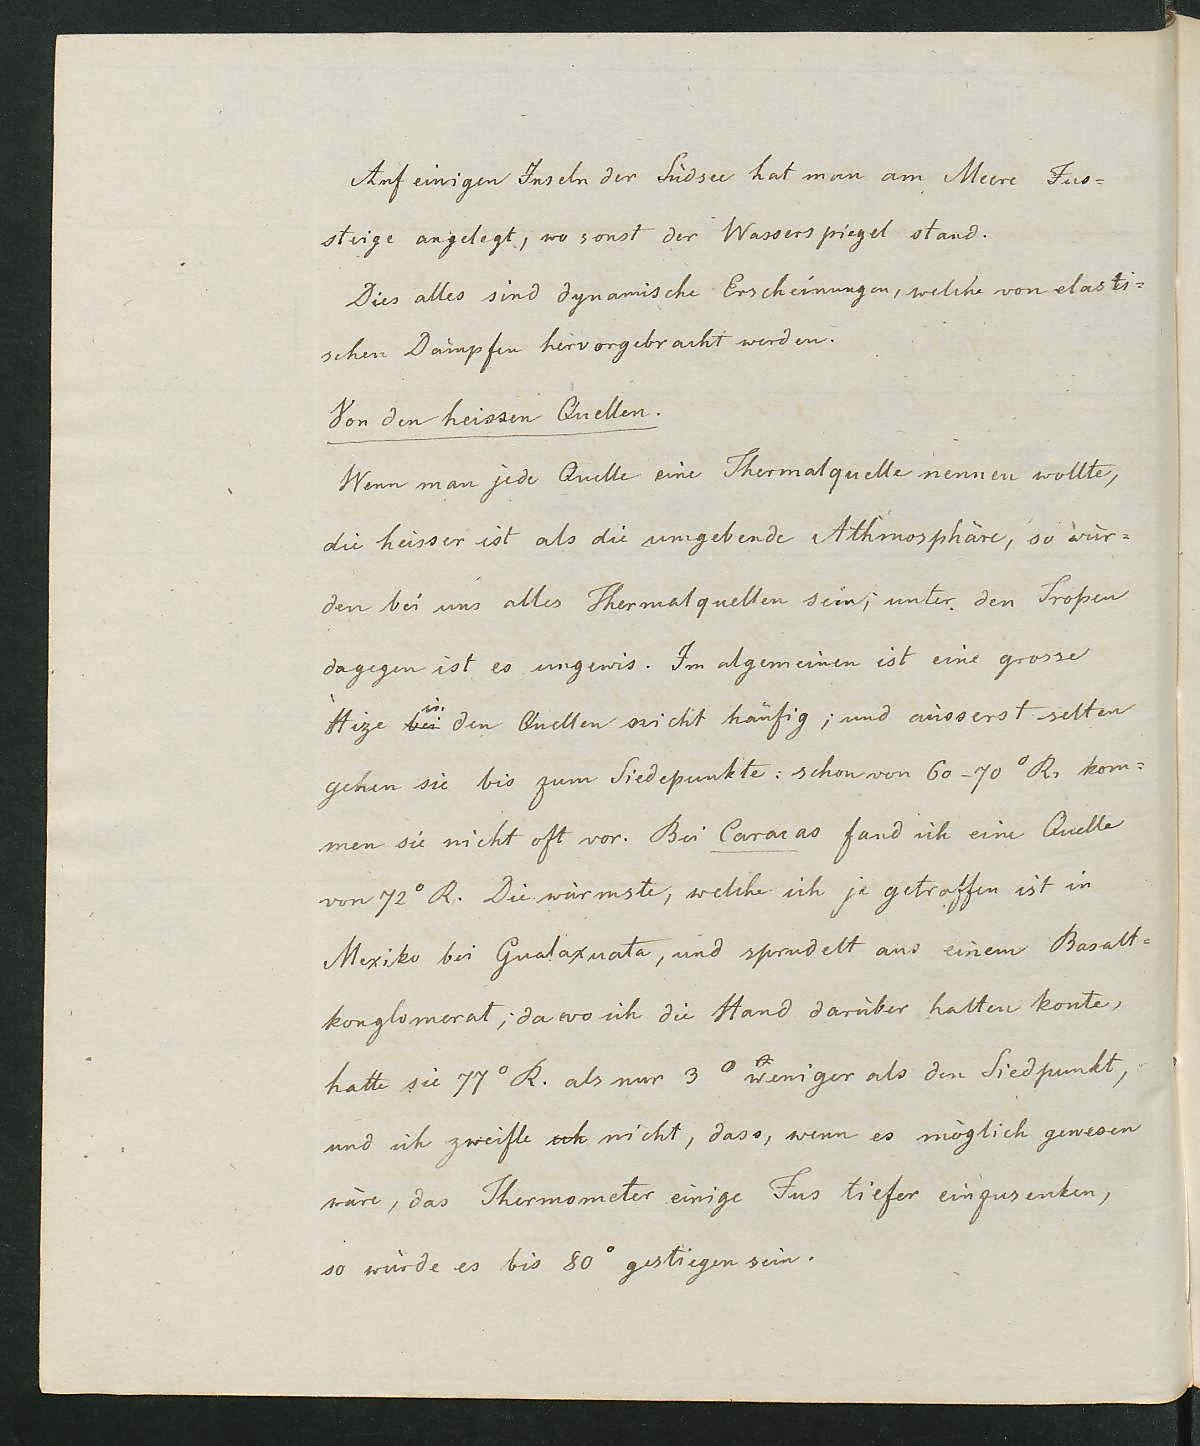Auf einigen Inseln der Südsee hat man am Meere Fus-
steige angelegt, wo sonst der Wasserspiegel stand.
Dies alles sind dynamische Erscheinungen, welche von elasti-
schen Dämpfen hervorgebracht werden.
Von den heissen Quellen.
Wenn man jede Quelle eine Thermalquelle nennen wollte,
die heisser ist als die umgebende Athmosphäre, so wür-
den bei uns alles Thermalquellen sein, unter den Tropen
dagegen ist es ungewis. Im algemeinen ist eine grosse
Hize beiin den Quellen nicht häufig; und äusserst selten
gehen sie bis zum Siedpunkte: schon von 60–70° R. kom-
men sie nicht oft vor. Bei Caracas fand ich eine Quelle
von 72° R. Die wärmste, welche ich je getroffen ist in
Mexiko bei Gualaxuata, und sprudelt aus einem Basalt-
konglomerat; da wo ich die Hand darüber halten konte,
hatte sie 77° R. nur 3° weniger als den Siedpunkt,
und ich zweifle ichnicht, dass, wenn es möglich gewesen
wäre, das Thermometer einige Fus tiefer einzusenken,
so würde es bis 80° gestiegen sein.